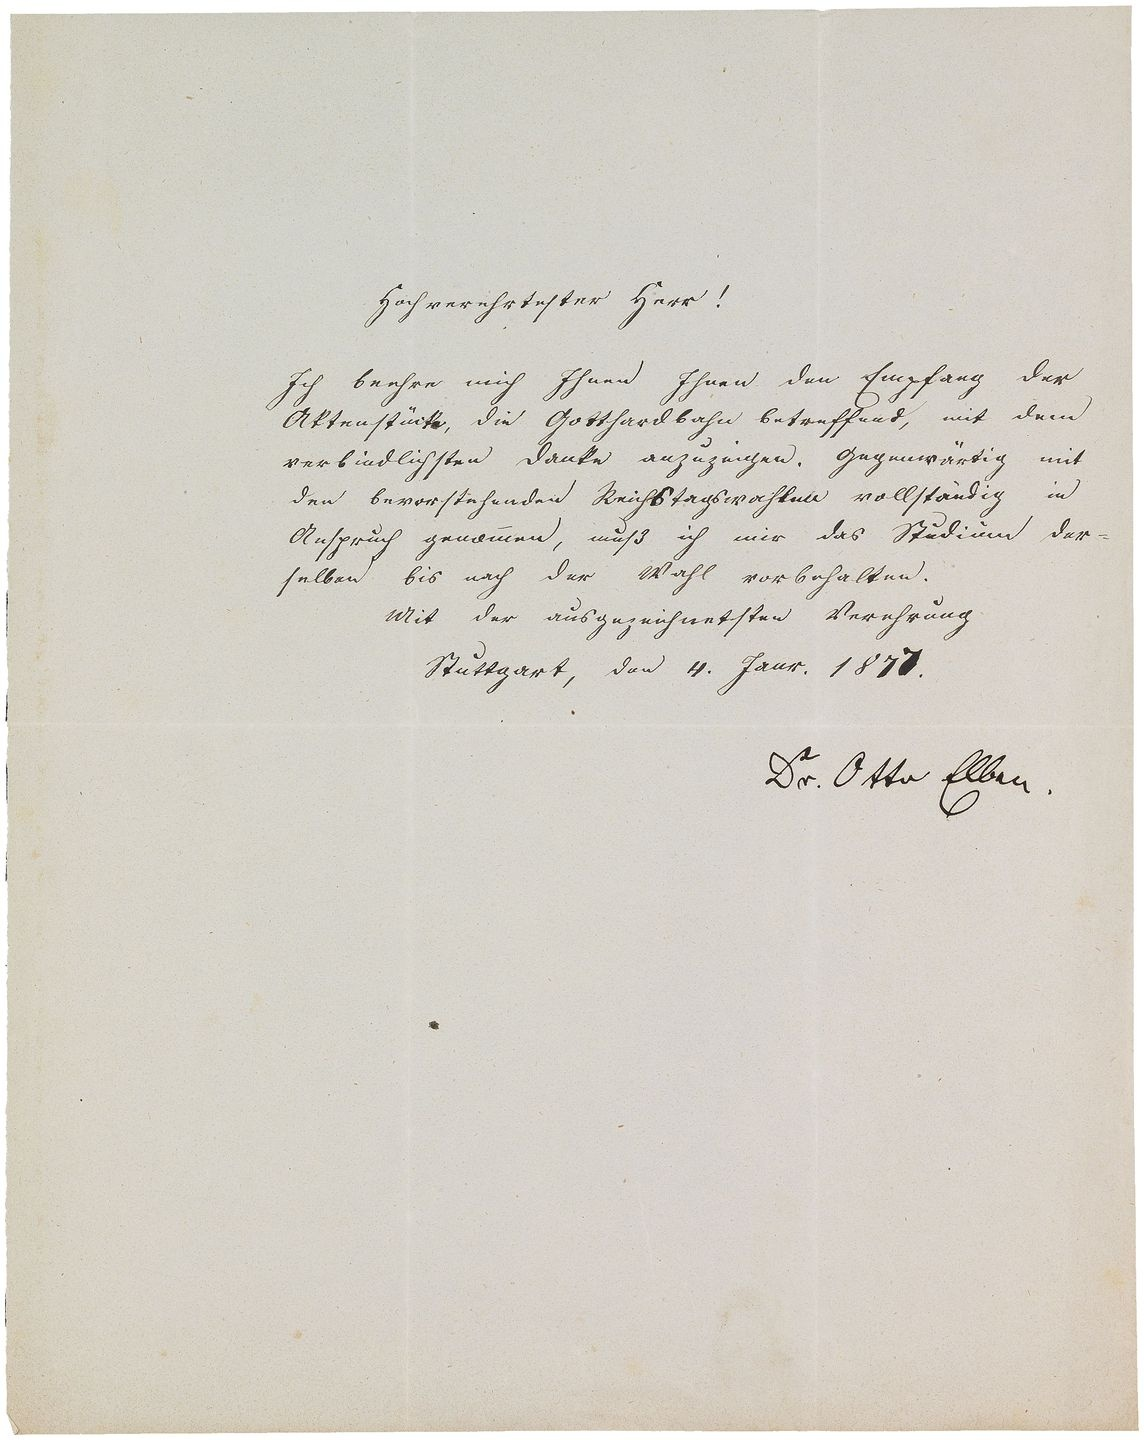Hochverehrtester Herr!
Ich beehre mich Ihnen Ihnen den Empfang der
Aktenstücke, die Gotthardbahn betreffend, mit dem
verbindlichsten Danke anzuzeigen. Gegenwärtig mit
den bevorstehenden Reichstagswahlen vollständig in
Anspruch genommen, muß ich mir das Studium der-
selben bis nach der Wahl vorbehalten.
Mit der ausgezeichnetsten Verehrung
Stuttgart, den 4. Janr. 1877.
Dr. Otto Elben.